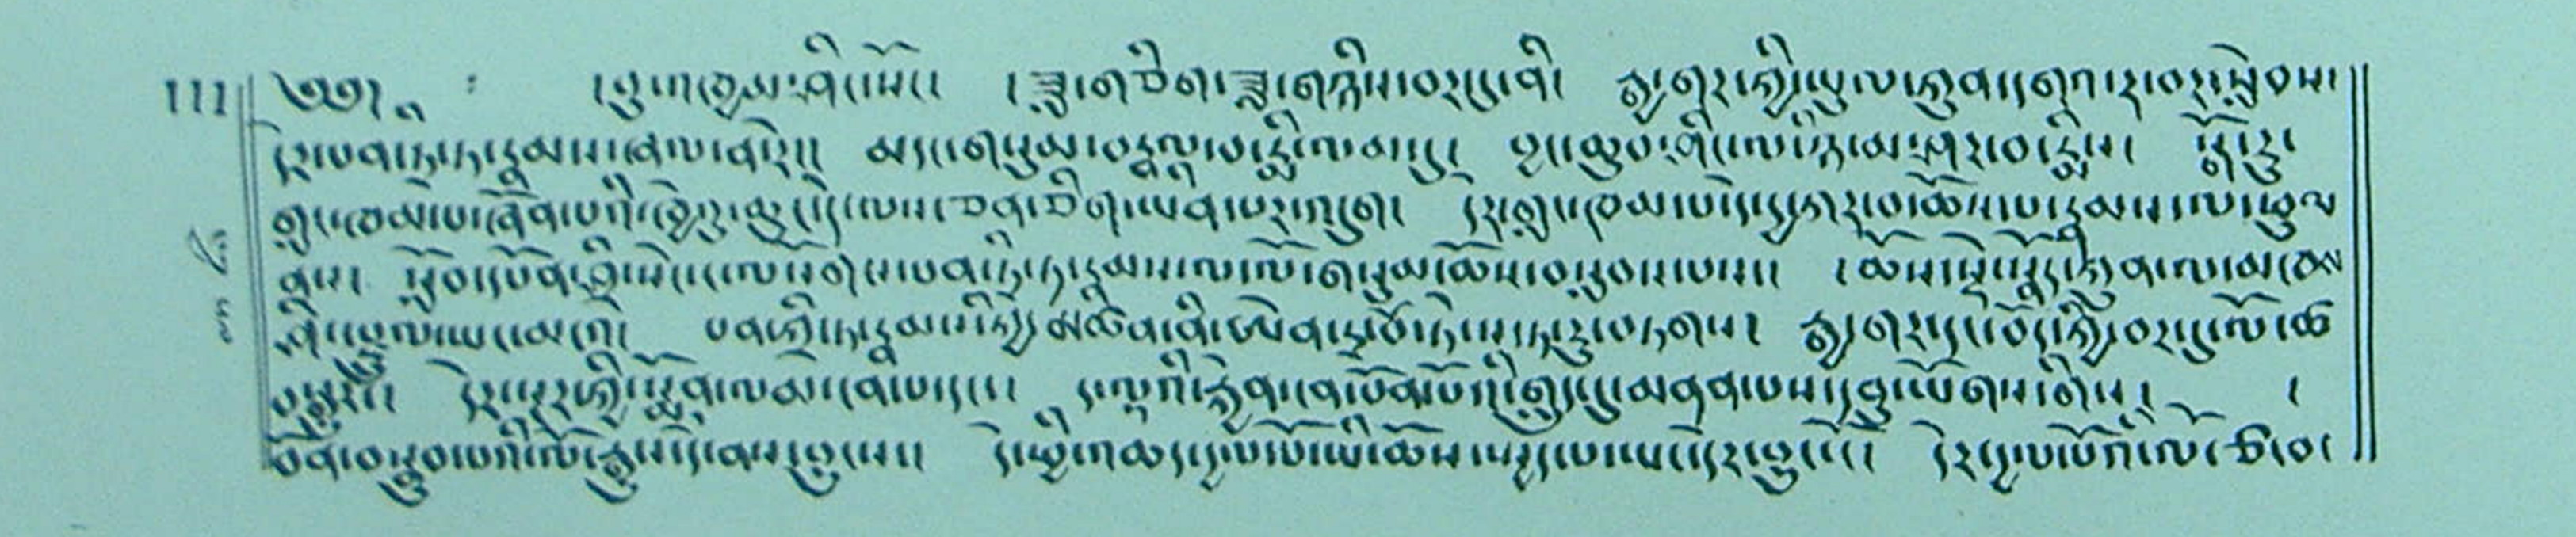༄༅། །བུ་འཁྱམས་ཤིང་སོང་། ཟླ་གཅིག་ཟླ་གཉིས་བར་དུ་ནི། རྒྱ་གར་གྱི་ཡུལ་ཀུན་དགའ་ར་བར་སླེབས། 
དེར་པན་ཏྲི་ཏ་རྣམས་ཞལ་ན་རེ། མདང་གསུམ་བརྣལ་བའི་རྨི་ལམ་དུ། བྱང་ཆུབ་ཤིང་ལ་ཉི་མ་ཤར་བ་རྨིས། སྒོ་རུ་
གླང་ཁམས་པ་ཞོན་པའི་ཁྱེའུ་ཆུང་དེ་ལས་ཅན་ཡིན་པར་འདུག དེར་གླང་ཁམས་པ་དེ་རྒྱ་ཀར་བ་ཆོས་པ་རྣམས་ལ་ཕུལ་
ནས། སློབ་དཔོན་ཤྲི་སེང་ང་ལ་སོགས་རྒྱ་གར་པན་ཏྲི་ཏ་རྣམས་ལ་ལོ་གསུམ་ཆོས་བསླབས་པས། ཆོས་སྡེ་སྣོད་ཀུན་ལ་མཁས་
ཤིང་རྫུ་འཕྲུལ་ཡང་མངའ། པན་ཀྲི་ཏ་རྣམས་ཀྱི་མཚན་ནི་ཨིན་དྲ་པོ་ཏེ་ས་ཏ་རུ་བཏགས། རྒྱ་གར་དང་བོད་ཀྱི་བར་དུ་ལོ་ཚ་
བསྒྱུར། དེར་སྔར་གྱི་སྨོན་ལམ་ངན་པ་དང་། ད་ལྟའི་རྐྱེན་ངན་བོན་པོའི་གླུད་དུ་མནན་པས། དབུ་ཡོག་གིས། 
བོན་བསྣུབ་པའི་ལོ་རྒྱུས་དེ་ནས་བྱུང་། དེ་ཕྱི་ཆད་རྒྱལ་བོ་ཡིས་ཆོས་སྤྱད་པ་ཡང་དེར་འབྱུང་ངོ་། །དེར་རྒྱལ་བོས་ལོ་ཙཱ་